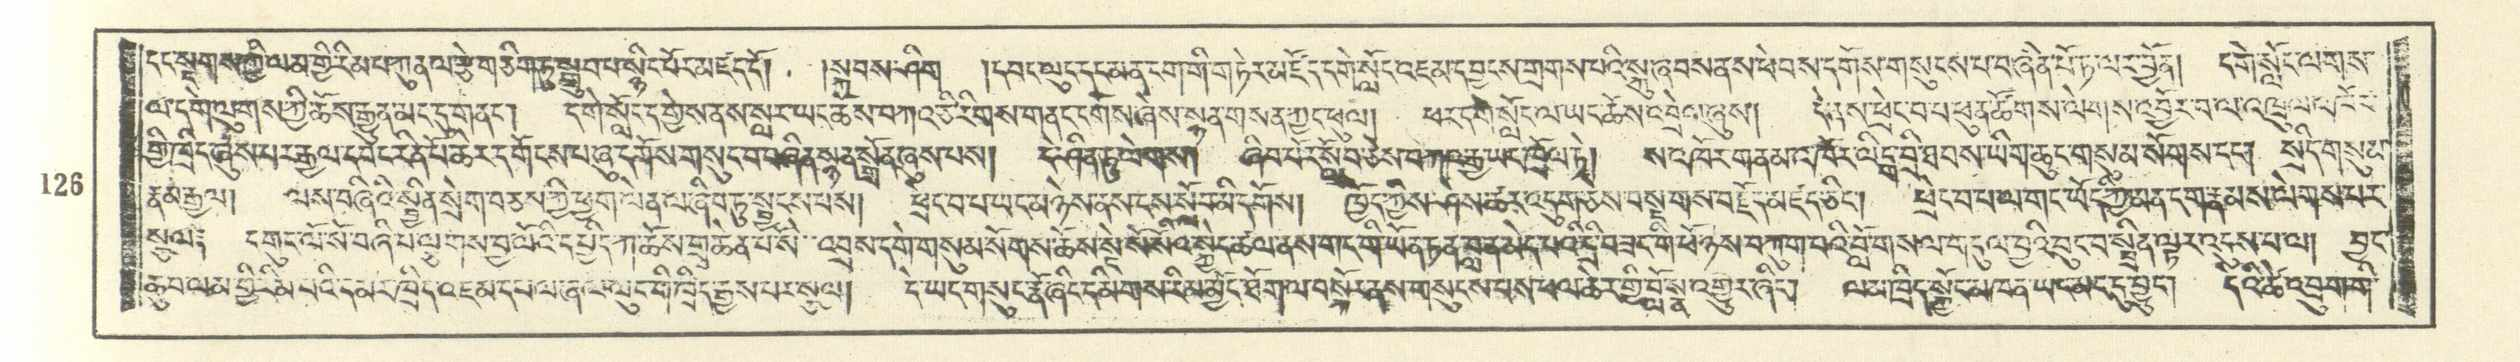དང་སྔགས་ཀྱི་ལམ་གྱི་རིམ་པ་ཀུན་ལ་རྩེ་གཅིག་ཏུ་སྒྲུབ་པ་སྙིང་པོར་མཛད་དོ། །སྐབས་ཤིག །དབང་ལུང་དང་མན་ངག་གི་གཏེར་མཛོད་དགེ་སློང་འཇམ་དབྱངས་གྲགས་པའི་སྐུ་ཞབས་ནས་ཕེབས་དགོས་གསུངས་པ་བཞིན་པོ་ཏ་ལར་བྱོན། དགེ་སློང་ལགས་
ལ་དགེ་ལུགས་ཀྱི་ཆོས་རྒྱུན་མང་དུ་གནང་། དགེ་སློང་དགྱེས་ནས་སླར་ཡང་ཆོས་བཀའ་ཅི་རིགས་གནང་དགོས་ཞེས་སྙན་གསན་ཀྱང་ཕུལ། ཕར་དགེ་སློང་ལ་ཡང་ཆོས་འབྲེལ་ཞུས། དེ་ནས་ཕྲེང་བ་པ་ཕུན་ཚོགས་ལེགས་འབྱོར་བ་ལ་འཁྲུལ་འཁོར་
གྱི་ཁྲིད་ཞུས་པར་རྒྱལ་དབང་རིན་པོ་ཆེར་དགོངས་པ་ཞུ་དགོས་གསུང་བ་བཞིན་སྙན་སྒྲོན་ཞུས་པས། དེ་ཤིན་ཏུ་ལེགས། ཞིབ་པོར་སློབ་ཅེས་བཀའ་རྒྱ་ཡང་ཁྲོལ་ཏེ། ས་འཁོར་གནམ་འཁོར་ལིངྒ་བྲི་ཐབས་ཡིག་ཆུང་གསུམ་སོགས་དང་། སྲིད་གསུམ་
རྣམ་རྒྱལ། ལས་བཞིའི་སྦྱིན་སྲེག་བཅས་ཀྱི་ཕྱག་ལེན་ལ་ཞིབ་ཏུ་སྦྱངས་པས། ཕྲེང་བ་པ་ཡང་མཉེས་ནས་ངས་སློབ་མི་དགོས། ཁྱོད་ཀྱིས་ཤེས་ཚར་འདུག་ཅེས་བསྔགས་བརྗོད་མཛད་ཅིང་། ཕྲེང་བ་པ་ལ་གང་ཡོད་ཀྱི་མན་ངག་རྣམས་ལེགས་པར་
སྩལ༑ དགུང་ལོ་སོ་བཞི་པ་ལྕགས་བྱ་ལོའི་དཔྱིད་ཀ་ཆོས་གྲྭ་ཆེན་པོ་སེ་འབྲས་དགེ་གསུམ་སོགས་ཆོས་སྡེ་སོ་སོའི་སྐྱེད་ཚལ་ནས་གང་གི་ཡོན་ཏན་བླ་ན་མེད་པའི་དྲི་བཟང་གི་ཕོ་ཉས་བཀུག་པའི་བློ་གསལ་གདུལ་བྱའི་བུང་བ་སྤྲིན་ལྟར་འདུས་བ་ལ། བྱང་
ཆུབ་ལམ་གྱི་རིམ་པའི་དམར་ཁྲིད་འཇམ་དཔལ་ཞལ་ལུང་གི་ཁྲིད་རྒྱས་པར་སྩལ། དེ་ཡང་གསུང་རྣོ་ཞིང་དམིགས་རིམ་མྱོང་ཐོག་ལ་བསྐོར་ནས་གསུངས་པས་ཕལ་ཆེར་གྱི་བློ་སྣ་འགྱུར་ཞིང་། ལམ་ཁྲིད་སྐྱོང་མཁན་ཡང་མང་དུ་བྱུང་། དེའི་ཚེ་འབྲུག་གི་